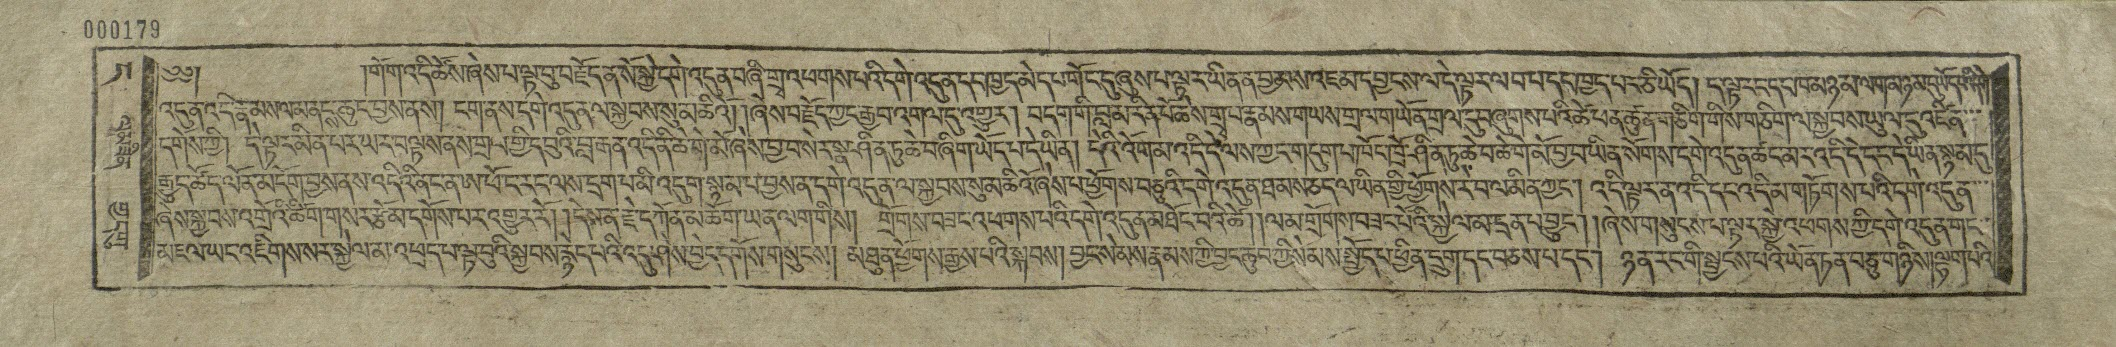༄༅། །གོག་འདི་ཚོས་ཞེས་པ་ལྟ་བུ་བརྗོད་ན་སོ་སྐྱེ་དགེ་འདུན་བཞི་གྲྭ་འཕགས་པའི་དགེ་འདུན་དང་ཁྱད་མེད་པ་གོང་དུ་ཞུས་པ་ལྟར་ཡིན་ན་བྱམས་འཇམ་དབྱངས་ལ་དེ་ལྟར་ལབ་པ་དང་ཁྱད་པར་ཅི་ཡོད། ད་ལྟ་རང་དང་ཁ་མཉམ་ལག་མཉམ་དུ་ཡོད་པའི་དགེ་
འདུན་འདི་རྣམས་ལ་མནངས་ཆུང་བྱས་ནས། ངག་ནས་དགེ་འདུན་ལ་སྐྱབས་སུ་མཆིའོ། །ཞེས་བརྗོད་ཀྱང་རྒྱབ་འགལ་དུ་འགྱུར། བདག་གི་བླ་མ་རིན་པོ་ཆེས་གྲྭ་པ་རྣམས་གཡས་གྲལ་གཡོན་གྲལ་དུ་བཞུགས་པའི་ཚེ་ཕན་ཚུན་གཅིག་གིས་གཅིག་ལ་སྐྱབས་ཡུལ་དུ་འཛིན་
དགོས་ཀྱི། དེ་ལྟར་མིན་པར་ཡར་བལྟས་ནས་གྲལ་གྱི་དབུའི་བླ་རྒན་འདི་ནི་ཆེ་གེ་མོ་ཞེས་བྱ་བ་སེར་སྣ་ཤིན་ཏུ་ཆེ་བ་ཞིག་ཡོད་པ་དེ་ཡིན། དེའི་འོག་མ་འདི་དེ་ལས་ཀྱང་གདུག་པ་ཁོང་ཁྲོ་ཤིན་ཏུ་ཆེ་བ་ཆེ་གེ་མོ་བྱ་བ་ཡིན་སོགས་དགེ་འདུན་ཚང་མར་འདི་དེ་དང་དེ་ཡིན་སྙམ་དུ་
རྒྱུད་ཚོད་ལོན་མདོག་བྱས་ནས་འདིའི་ནང་ན་ཨ་ཕོ་ང་རང་ལས་དྲག་པ་མི་འདུག་སྙམ་པ་བྱས་ན་དགེ་འདུན་ལ་སྐྱབས་སུ་མཆིའོ་ཞེས་པ་ཕྱོགས་བཅུའི་དགེ་འདུན་ཐམས་ཅད་ལ་ཡིན་གྱི་ཕྱོགས་རེ་བ་ལ་མིན་ཀྱང་། འདི་ལྟར་ན་འདི་དང་འདི་མ་གཏོགས་པའི་དགེ་འདུན་
ཞེས་སྐྱབས་འགྲོའི་ཚིག་གསར་རྩོམ་དགོས་པར་འགྱུར་རོ། །དེས་ན་རྗེ་དཀོན་མཆོག་ཡན་ལག་གིས། གྲོགས་བཟང་འཕགས་པའི་དགེ་འདུན་མཐོང་བའི་ཚེ། །ལམ་གྲོགས་བཟང་པོའི་སྐྱེལ་མ་དྲན་པ་བྱུང་། །ཞེས་གསུངས་པ་ལྟར་སྐྱེ་འཕགས་ཀྱི་དགེ་འདུན་གང་
མཇལ་ཡང་འཇིགས་སར་སྐྱེལ་མ་འཕྲད་པ་ལྟ་བུའི་སྐྱབས་རྙེད་པའི་འདུ་ཤེས་བྱེད་དགོས་གསུངས། མཐུན་ཕྱོགས་རྒྱས་པའི་སྐབས། བྱང་སེམས་རྣམས་ཀྱི་བྱང་ཆུབ་ཀྱི་སེམས་སྤྱོད་པ་ཕྱིན་དྲུག་དང་བཅས་པ་དང་། ཉན་རང་གི་སྦྱངས་པའི་ཡོན་ཏན་བཅུ་གཉིས། ལྷག་པའི་